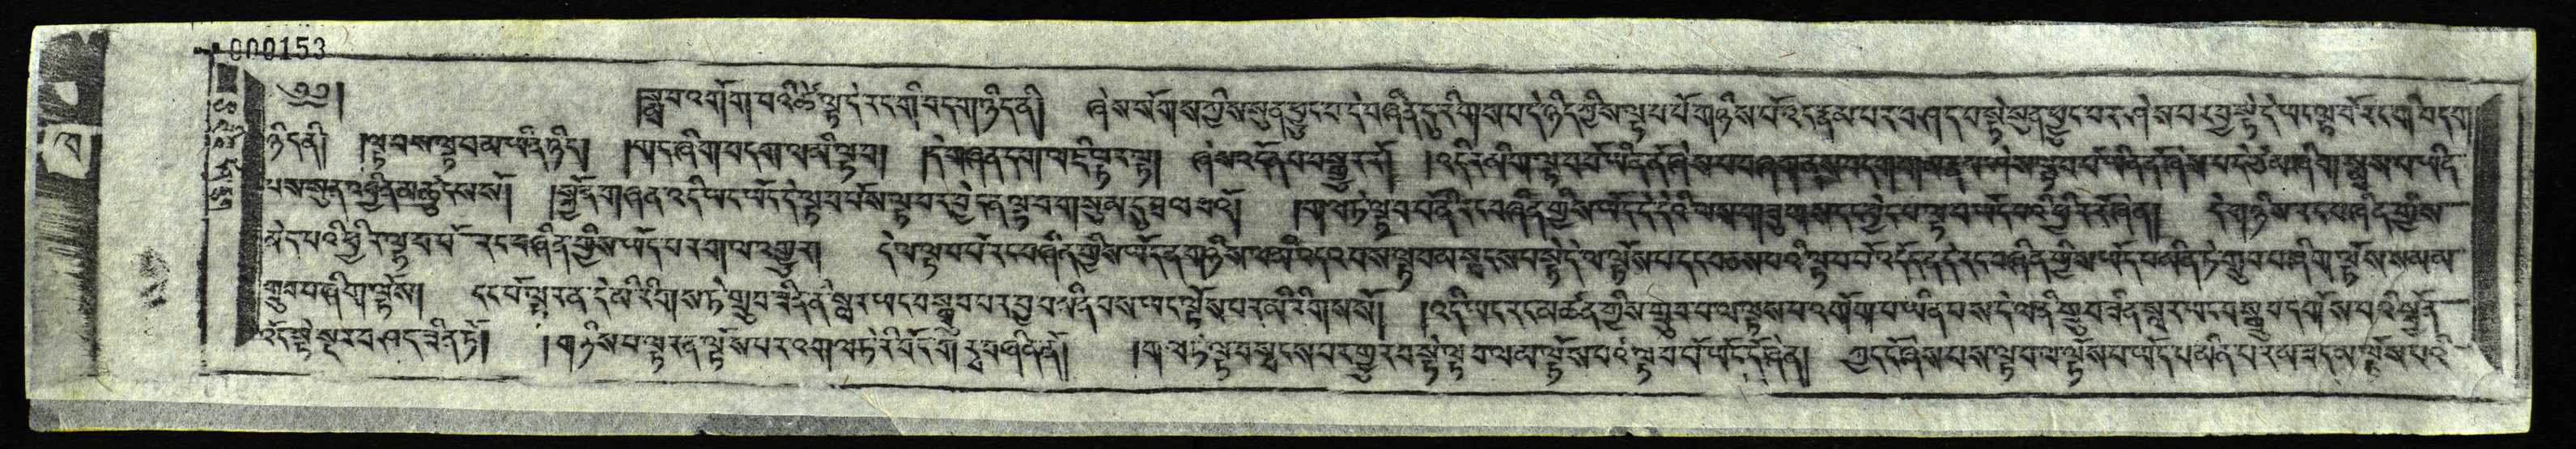༄༅། །སྨྲ་བ་འགོག་པའི་ཚེ་ལྷ་དེ་རང་གི་བདག་ཉིད་ནི། ཞེས་སོགས་ཀྱིས་སུན་བྱུང་བ་དེ་བཞིན་དུ་རིགས་པ་དེ་ཉིད་ཀྱིས་ལྟ་བ་པོ་གཉིས་པོ་འང་རྣམ་པར་བཤད་པ་སྟེ་སུན་ཕྱུང་བར་ཤེས་པར་བྱ་སྟེ་དེ་ཡང་ལྷ་བོ་རང་གི་བདག་
ཉིད་ནི། །ལྟ་བས་ལྟ་བ་མ་ཡིན་ཉིད། །གང་ཞིག་བདག་ལ་མི་ལྟ་བ། །དེ་གཞན་དག་ལ་ཇི་ལྟར་ལྟ། ཞེས་འདོན་པ་བསྒྱུར་རོ། །འདིར་མིག་ལྟ་བ་པོ་ཡིན་ནོ་ཞེས་པ་བཞག་ནས་བདག་གསན་པ་ཤེས་ལྟ་བ་བ་ཡིན་ནོ་ཞེས་པ་དེ་ཙམ་ཞིག་སྨྲས་པ་ཡིན་
པས་སུན་འབྱིན་མཚུངས་སོ། །སྐྱོན་གཞན་འདི་ཡང་ཡོད་དེ་ལྟ་བ་པོས་ལྟ་བར་བྱེད་ན་ལྟ་བ་གསུམ་དུ་ཐལ་བའོ། །གལ་ཏེ་ལྟ་བ་པོ་ནི་རང་བཞིན་གྱིས་ཡོད་དེ་དེའི་ལས་གཟུགས་དང་བྱེད་པ་ལྟ་བ་ཡོད་པའི་ཕྱིར་རོ་ཞེ་ན། དེ་གཉིས་རང་བཞིན་གྱིས་
མེད་པའི་ཕྱིར་ལྟ་བ་པོ་རང་བཞིན་གྱིས་ཡོད་པར་ག་ལ་འགྱུར། དེ་ལ་ལྟ་བ་པོ་རང་བཞིན་གྱིས་ཡོད་ན་གཉིས་ལ་མི་འདའ་བས་ལྟ་བ་མ་སྤངས་པ་སྟེ་དེ་ལ་ལྟོས་པ་དང་བཅས་པའི་ལྟ་བ་པོ་འདོད་ན་དེ་རང་བཞིན་གྱིས་ཡོད་པ་མིན་ཏེ་གྲུབ་པ་ཞིག་ལྟོས་སམ་མ་
གྲུབ་པ་ཞིག་ལྟོས། དང་པོ་ལྟར་ན་དེ་མི་རིགས་ཏེ་གྲུབ་ཟིན་ནི་སླར་ཡང་བསྒྲུབ་པར་བྱ་བ་མིན་པས་ཡང་ལྟོས་བར་མི་རིགས་སོ། །འདི་ཡང་རང་མཚན་གྱིས་གྲུབ་པ་ལ་ལྟས་པ་འགོག་པ་ཡིན་པས་དེ་ལ་ནི་གྲུབ་ཟིན་སླར་ཡང་བསྒྲུབ་དགོས་པའི་སྐྱོན་
འོད་སྟེ་སྔར་བཤད་ཟིན་ཏོ། །གཉིས་པ་ལྟར་ན་ལྟོས་པར་འགལ་ཏེ་རི་བོང་གི་རྭ་བཞིན་ནོ། །གལ་ཏེ་ལྟ་བ་སྤངས་པར་གྱུར་པ་སྟེ་ལྟ་བ་ལམ་ལྟོས་པའི་ལྟ་བ་པོ་ཡོད་དོ་ཞེ་ན། ཀྱང་ངོ་ཞེས་པས་ལྟ་བ་ལ་ལྟོས་པ་ཡོད་པ་མིན་པར་མ་ཟད་མ་ལྟོས་བའི་